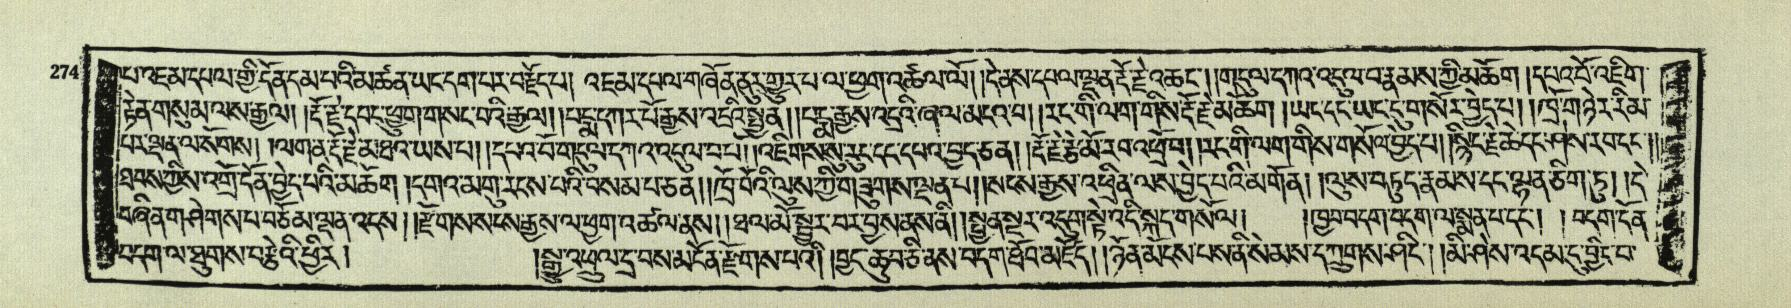པ་འཇམ་དཔལ་གྱི་དོན་དམ་པའི་མཚན་ཡང་དག་པར་བརྗོད་པ། འཇམ་དཔལ་གཞོན་ནུར་གྱུར་པ་ལ་ཕྱག་འཚལ་ལོ། །དེ་ནས་དཔལ་ལྡན་རྡོ་རྗེ་འཆང་། །གདུལ་དཀའ་འདུལ་བ་རྣམས་ཀྱི་མཆོག །དཔའ་བོ་འཇིག་
རྟེན་གསུམ་ལས་རྒྱལ། །རྡོ་རྗེ་དབང་ཕྱུག་གསང་བའི་རྒྱལ། །པདམ་དཀར་པོ་རྒྱས་འདྲའི་སྤྱན། །པདམ་རྒྱས་འདྲའི་ཞལ་མངའ་བ། །རང་གི་ལག་གིས་རྡོ་རྗེ་མཆོག། །ཡང་དང་ཡང་དུ་གསོར་བྱེད་པ། །ཁྲོ་གཉེར་རིམ་
པར་ལྡན་ལ་སོགས། །ལག་ན་རྡོ་རྗེ་མཐའ་ཡས་པ། །དཔའ་བོ་གདུལ་དཀའ་འདུལ་བ་པོ། །འཇིགས་སུ་རུང་དང་དཔའ་བྱད་ཅན། །རྡོ་རྗེ་རྩེ་མོ་རབ་འཕྲོ་བ། །རང་གི་ལག་གིས་གསོལ་བྱེད་པ། །སྙིང་རྗེ་ཆེ་དང་ཤེས་རབ་དང།།
ཐབས་ཀྱིས་འགྲོ་དོན་བྱེད་པའི་མཆོག །དགའ་མགུ་རངས་པའི་བསམ་པ་ཅན། །ཁྲོ་བོའི་ལུས་ཀྱི་གཟུགས་ལྡན་པ། །སངས་རྒྱས་འཕྲིན་ལས་བྱེད་པའི་མགོན། །ལུས་བཏུད་རྣམས་དང་ལྷན་ཅིག་ཏུ། །དེ་
བཞིན་གཤེགས་པ་བཅོམ་ལྡན་འདས། །རྫོགས་སངས་རྒྱས་ལ་ཕྱག་འཚལ་ནས། །ཐལ་མོ་སྦྱར་བར་བྱས་ནས་ནི། །སྤྱན་སྔར་འདུག་སྟེ་འདི་སྐད་གསོལ། །ཁྱབ་བདག་བདག་ལ་སྨན་པ་དང་། །བདག་དོན་
བདག་ལ་ཐུགས་བརྩེའི་ཕྱིར། །སྒྱུ་འཕྲུལ་དྲ་བས་མངོན་རྫོགས་པའི། །བྱང་ཆུབ་ཅི་ནས་བདག་ཐོབ་མཛོད། །ཉོན་མོངས་པས་ནི་སེམས་དཀྲུགས་ཤིང་། །མི་ཤེས་འདམ་དུ་བྱིང་བ་